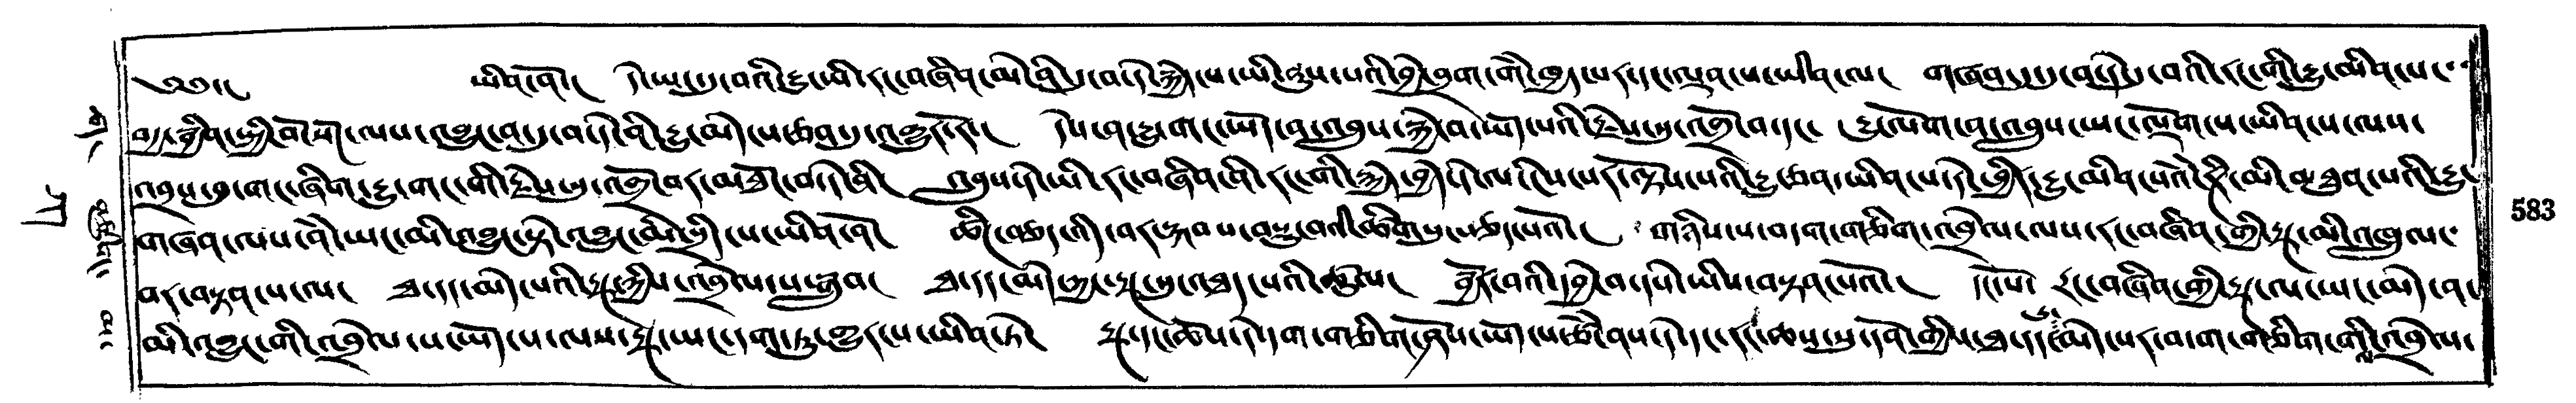ཡིན་ནོ།། དེ་ཡང་དུ་བའི་རྒྱུའི་རང་བཞིན་མེ་ནི་དུ་བ་དེ་སྐྱེད་པ་ཡི་ནུས་པའི་བྱེ་བྲག་གམ་ཁྱད་པར་དང་ལྡན་པ་ཡིན་ལ། གཞན་དུ་དུ་བ་དེ་དུ་བའི་རང་གི་རྒྱུ་མིན་པ་
བརྒྱ་བྱིན་སྤྱི་བོ་སོགས་ལས་འབྱུང་བ་དུ་བ་དེ་ནི་རྒྱུ་མེད་པ་ཅན་དུ་འགྱུར་རོ།། དེས་ན་རྒྱུ་གང་ཡོད་ན་འབྲས་བུ་སྐྱེ་བ་ཡོད་པའི་རྗེས་སུ་འགྲོ་བ་དང་། རྒྱུ་ལོག་ན་འབྲས་བུ་ཡང་ལྡོག་པ་ཡིན་པ་ལས།
འབྲས་བུ་གང་ཞིག་རྒྱུ་གང་གི་རྗེས་སུ་འགྲོ་བར་མཐོང་བ་དེ་ནི། འབྲས་བུ་དེའི་རང་བཞིན་ནི་རང་གི་སྐྱེད་བྱེད་དེ་ལ་ངེས་པར་ལྟོས་པའི་རྒྱུ་ཅན་ཡིན་པ་དེའི་ཕྱིར་རྒྱུ་མ་མིན་པའམ་རིགས་མི་མཐུན་པའི་རྒྱུ་
གཞན་ལས་ནམ་ཡང་མི་འབྱུང་སྟེ་འབྱུང་མི་སྲིད་པ་ཡིན་ནོ།། ཚིགས་བཅད་འདི་བར་སྐབས་བསྡུ་བའི་ཚིགས་སུ་བཅད་པའོ།། གཉིས་པ། བདག་གཅིག་འབྲེལ་ལས་རང་བཞིན་གྱི་རྟགས་མི་འཁྲུལ་
བར་བསྟན་པ་ལ། ཐ་དད་མེད་པའི་རྟགས་ཀྱིས་འབྲེལ་བ་སྒྲུབ། ཐ་དད་མེད་ཀྱང་རྟགས་སུ་འཐད་པའི་ཚུལ། །སྦྱོར་བའི་དབྱེ་བ་དཔེ་ཡིས་བསྟན་པའོ།། དང་པོ། རང་བཞིན་གྱི་རྟགས་ལ་ཡང་མེད་ན་
མི་འབྱུང་གི་འབྲེལ་བ་ཡོད་པ་ལས་རྟགས་ཡང་དག་ཏུ་གྱུར་པ་ཡིན་ཏེ། རྟགས་དང་ཆོས་དེ་དག་གཅིག་ཤོས་ཡོད་པ་ཙམ་ནས་དེ་དང་རང་ཆས་སུ་དོན་གྱིས་ཐ་དད་ཏུ་མེད་པར་བདག་གཅིག་གིས་འབྲེལ་